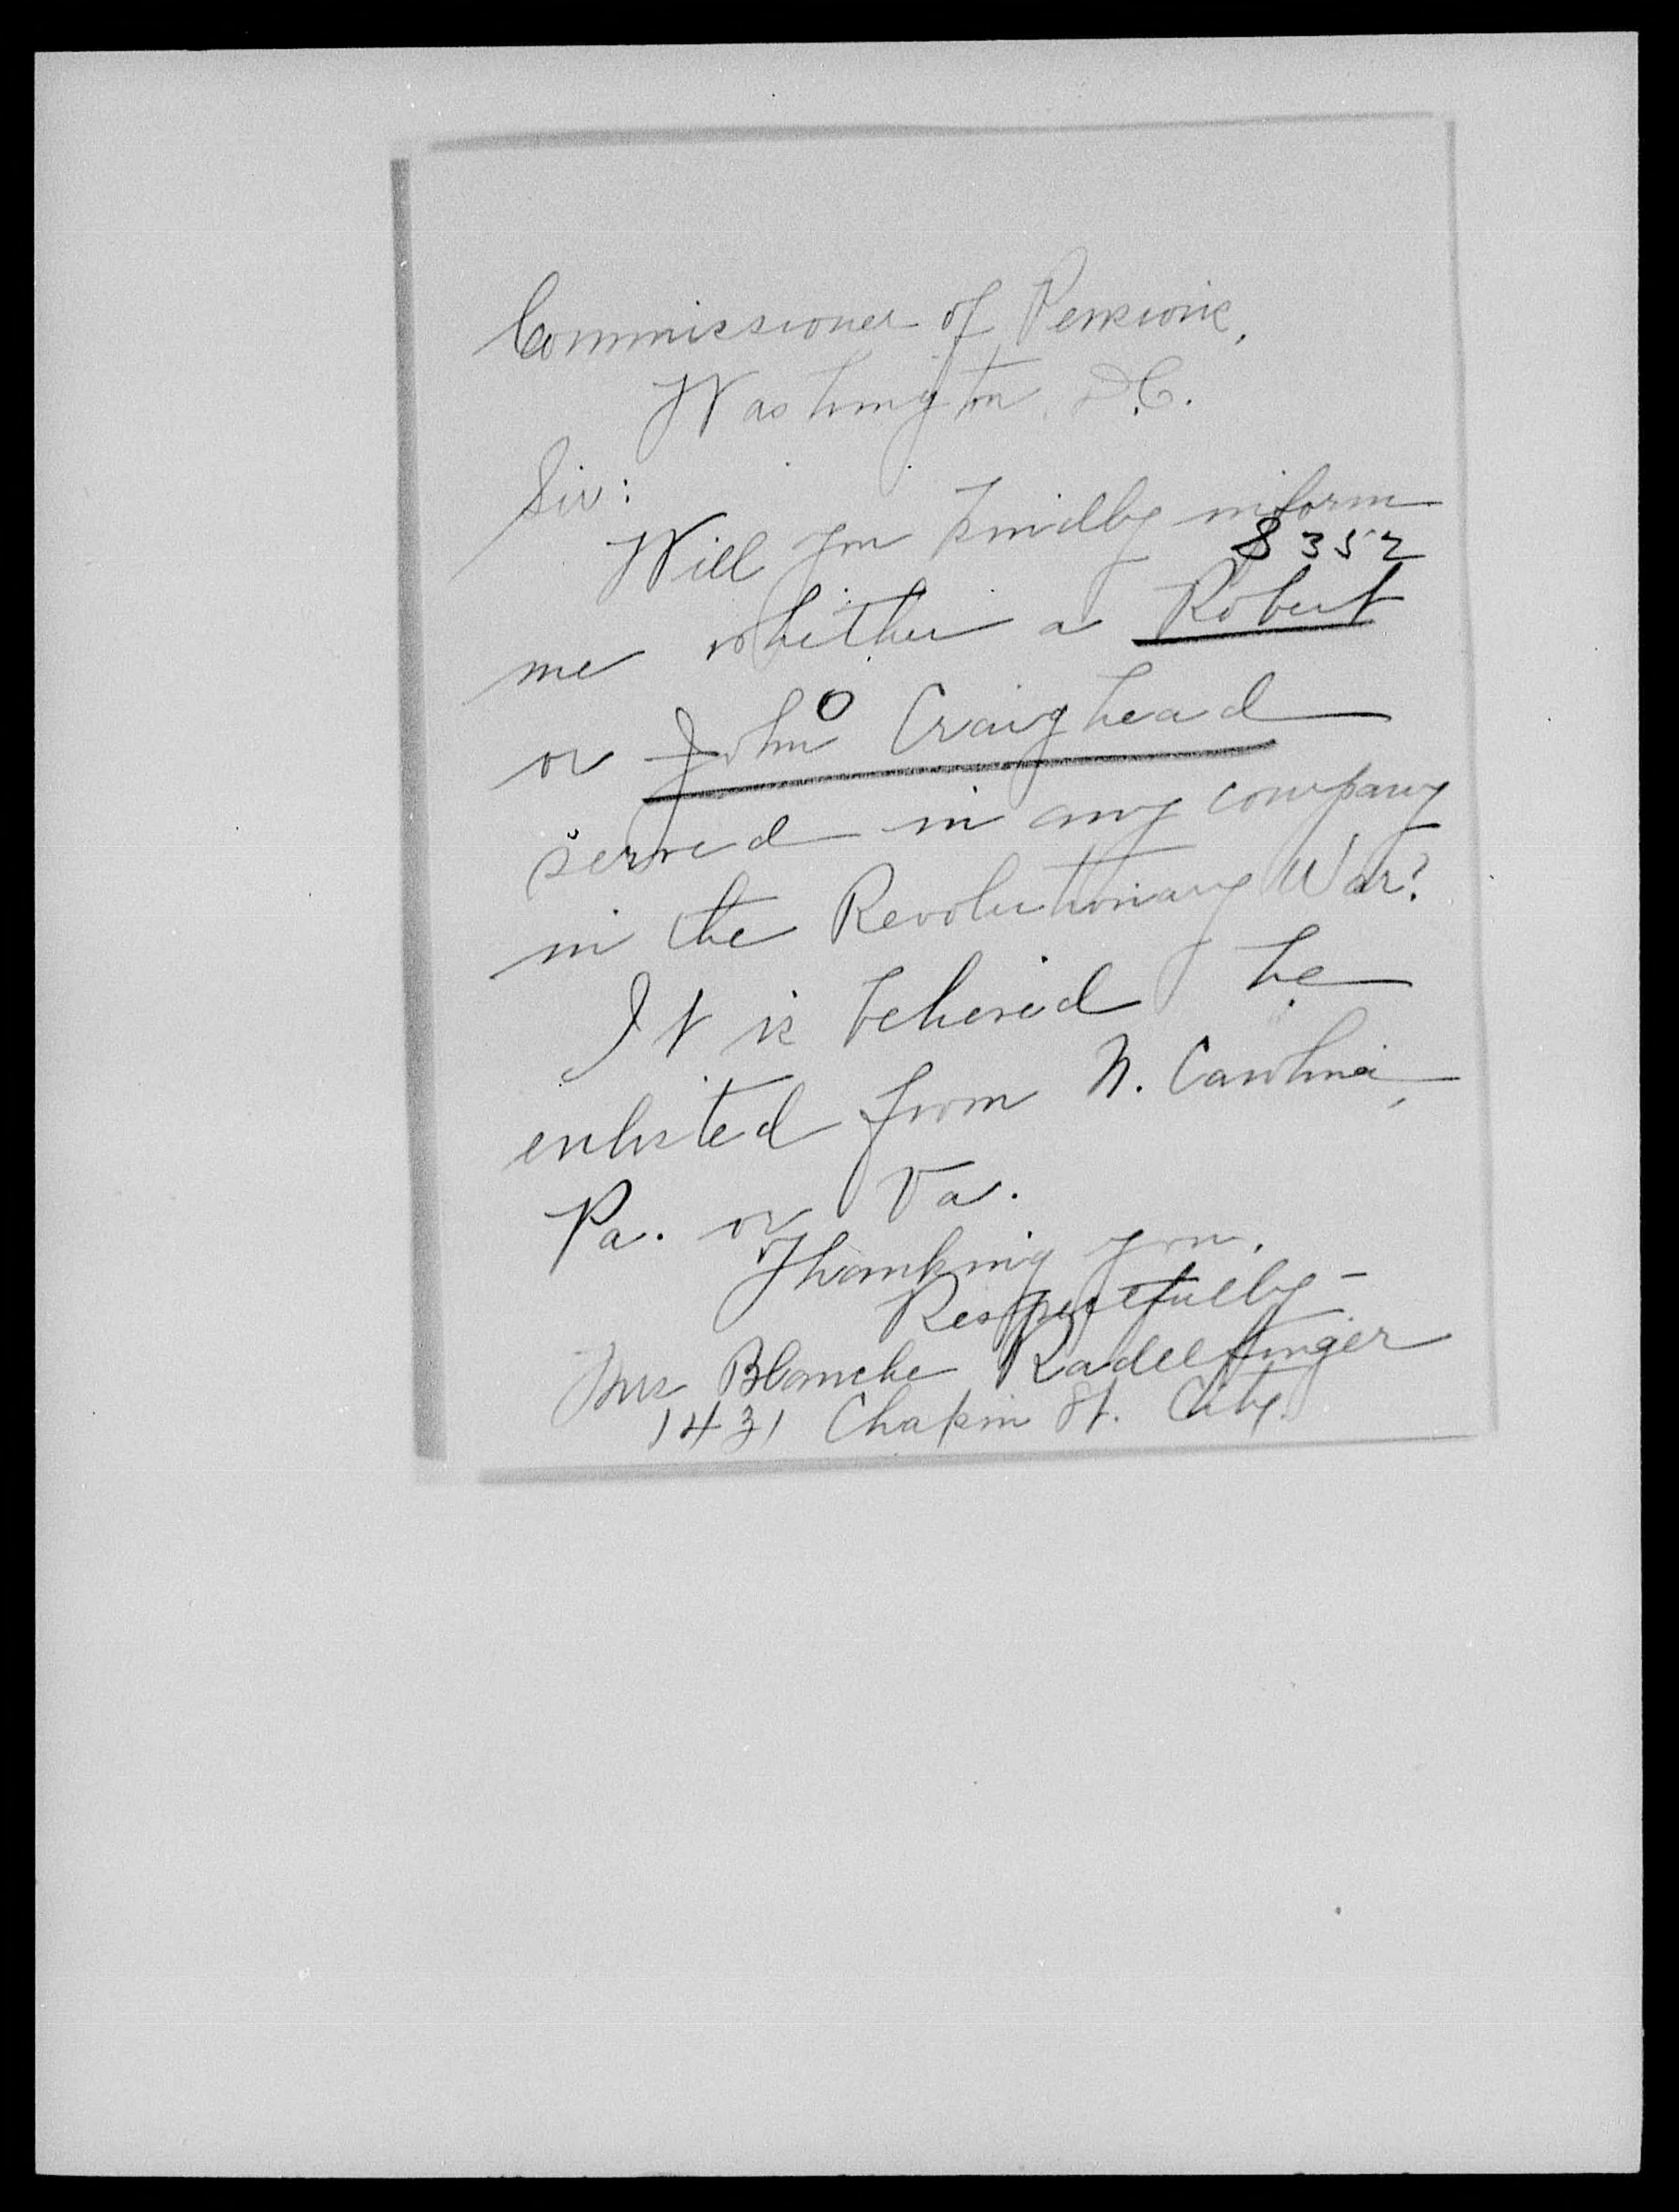Commissioner of Pensions
Washington D.C.
Sir

Will you kindly inform 
8352
me whether a
Robert
or John
Craighead
served in and company
in the Revolutionary War.
It is believed he enlisted
 from N. Carolina, PA. or Va.
Thanking you
Respectfully-
Mrs Blanche Radelfinger
1431 Chapin St City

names: Robert Craighead, John Craighead, Blanche Radelfinger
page: 20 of 26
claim: survivor's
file: S. 352, Robert Craighead, N.C.